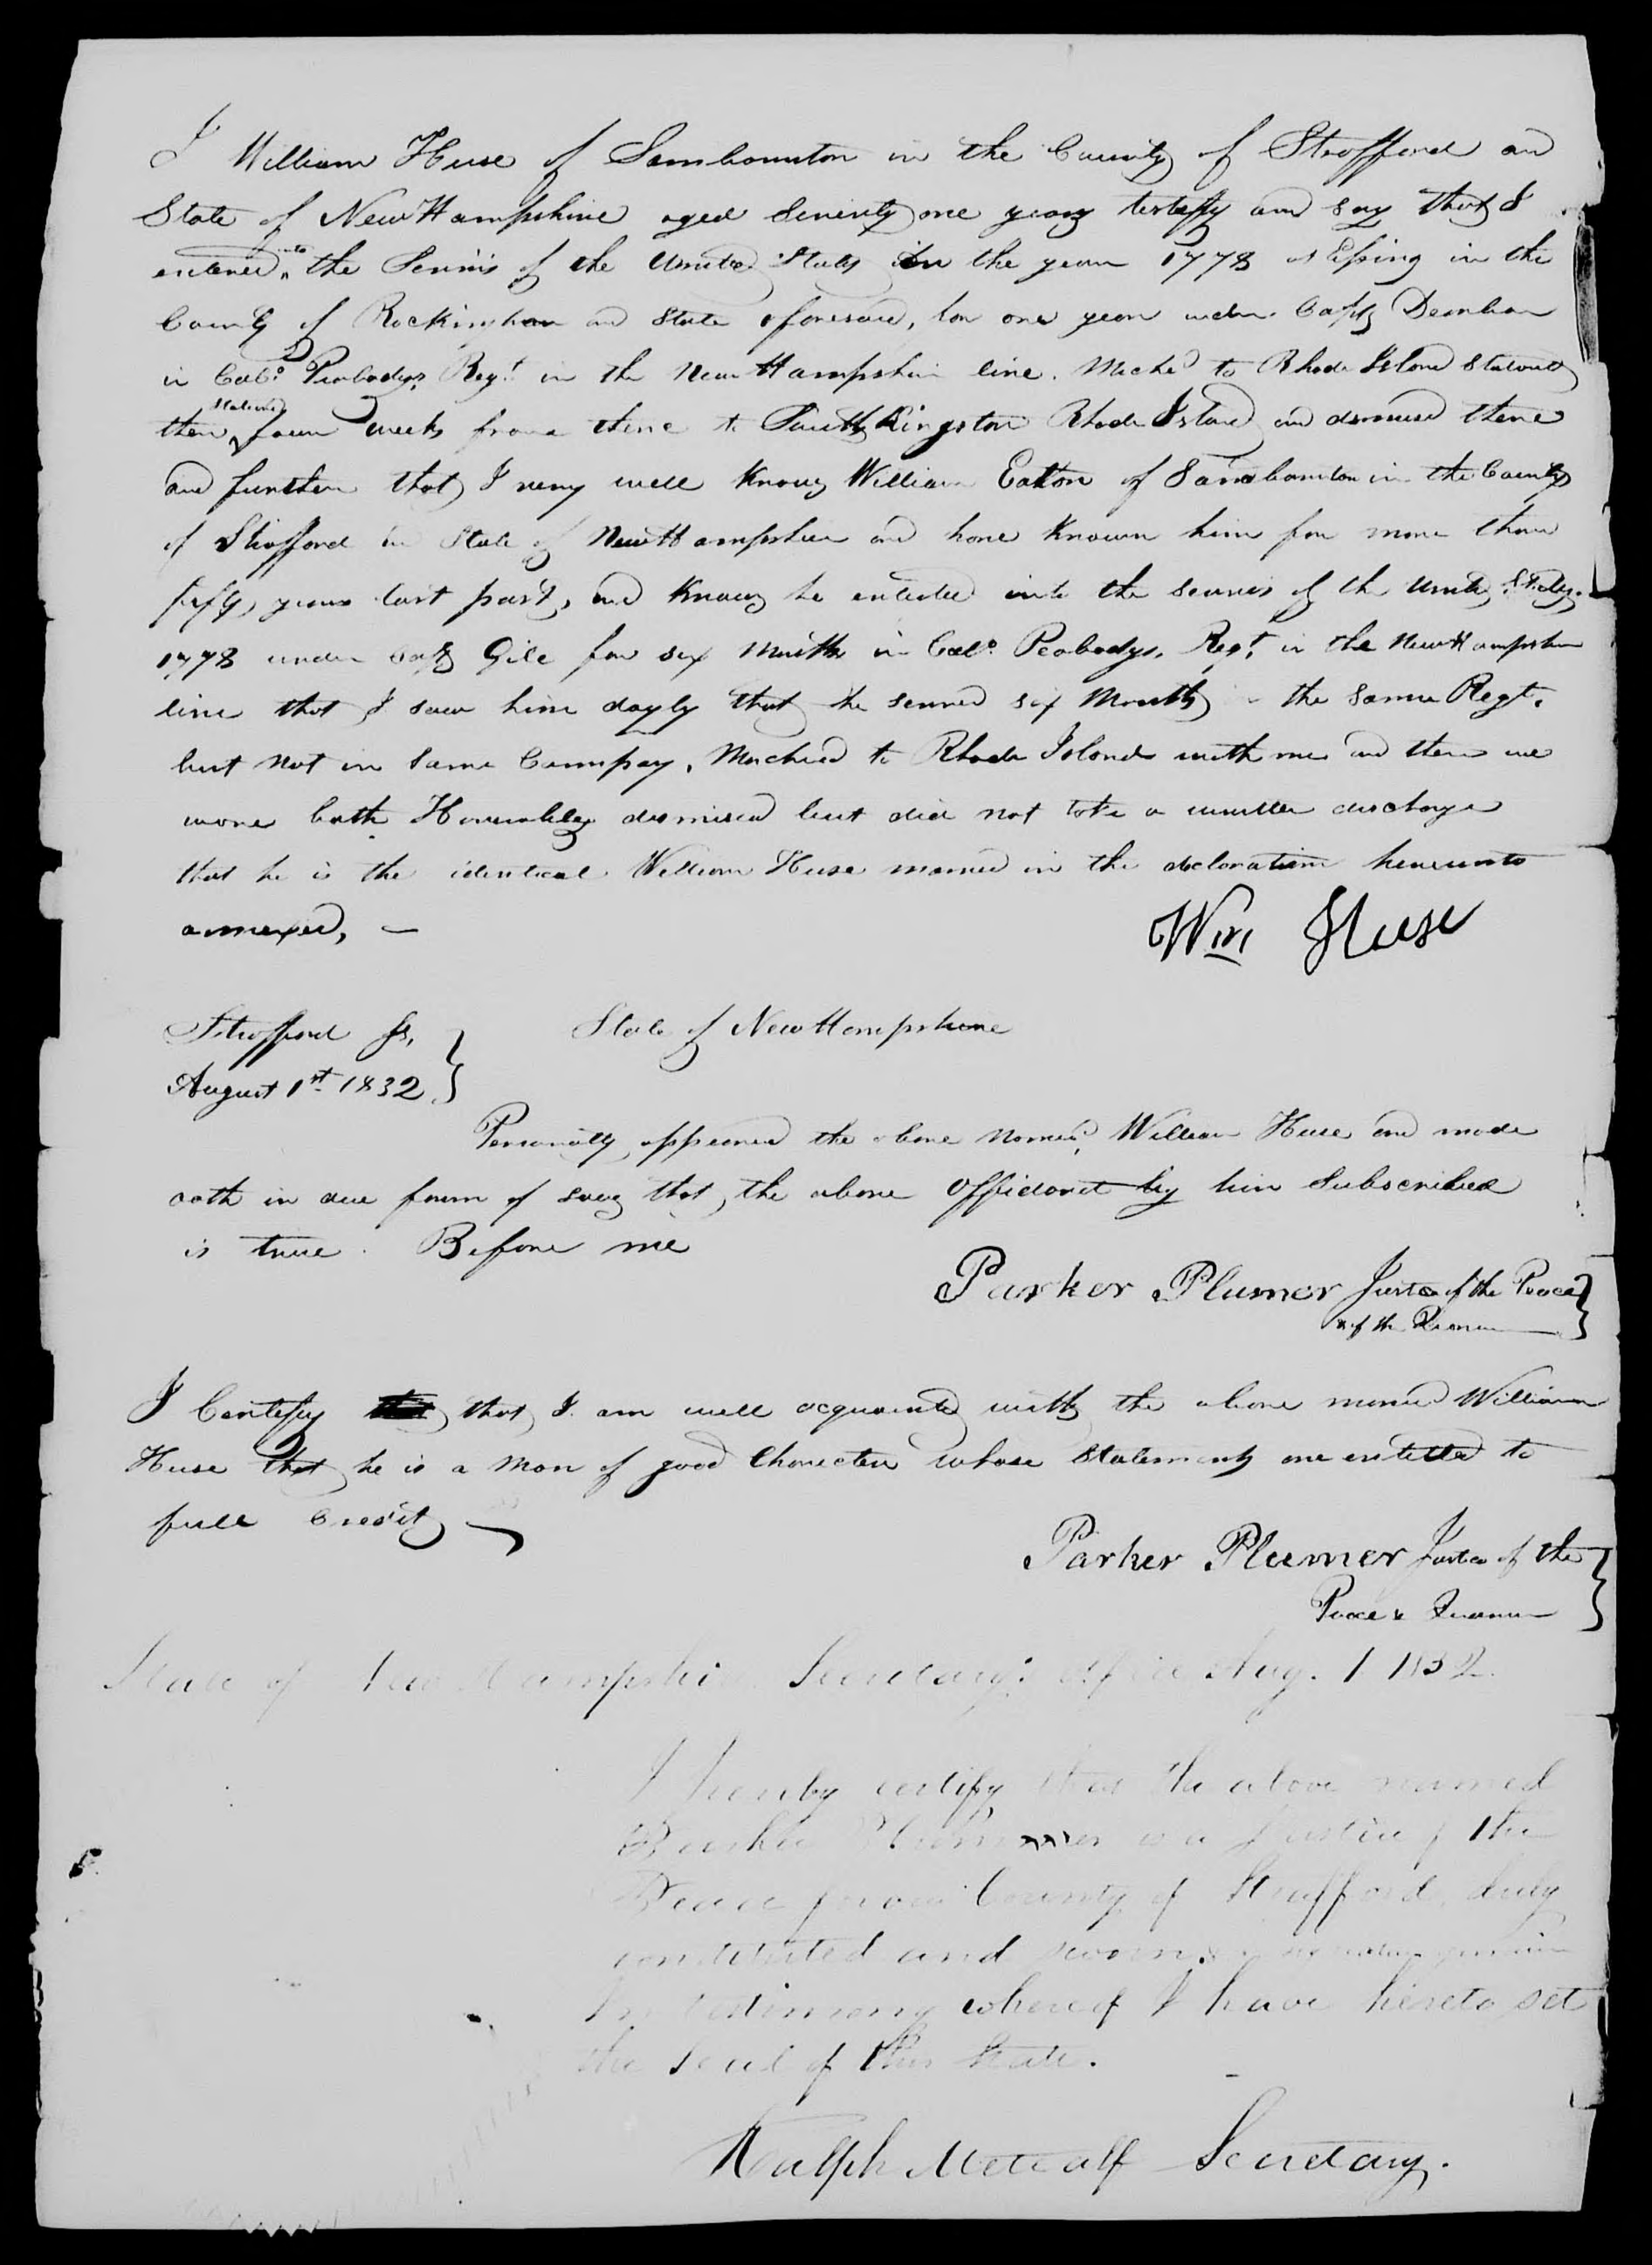William Huse of Sanbournton in the County of Strafford and State of New Hampshire aged Seventy one years testify and say that I entered the servis of the United States in the year 1778 in Epping in the County of Rockingham and State aforesaid, for one year under Capt Dearborn in Col Peabody Regt in the New Hampshire line. Marched to Rhode Island Stationed there  four weeks from thence to South Kingston Rhode Island and dismissed there and further that I very well know William Eaton of Sanbornton in the County of Shifford he state of New Hampshire and have known him for more them fifty years last past, and know he enlisted into the services of the United States in 1778 under Cap Gile for six month in Col Peabody, Regt in the New Hampshire line that I saw him dayly that he served six months - the same Regt but not in same Company. Marched to Rhode Island with me and there we were both honorably dismissed but did not take a written discharge that he is the identical William Huse named
 in the declaration hereunto annexed, 
Wm Huse

Strafford ss August 1st 1832 State of New Hampshire 
Personally appeared the above named William Huse and made oath in due form of say that the above affidavit by him subscribed is true. Before me 
Parker Plumer Just of the Peace of the 

I certify that I am well acquainted with the above and William Huse that he is a man of good character whose statements are
 entitled to full credit Parker Plumer Justes of the Peace 

State of New Hampshire Secretary office Aug. 1 1832 hereby certify that the above named Parker Plumer is a Justice of the Peace for County of Stafford duly constituted and sworn pension by   testimony whereof I have hereto set the seal of this State 
Ralph Metcalf Secretary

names: William Huse, Wm Huse, William Eaton, Gile, William Huse, William Huse, Parker Plumer, Dembar, William Huse, Parker Plumer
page: 21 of 21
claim: survivor's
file: S. 16374, William Eaton, Continental Mass. N.H.